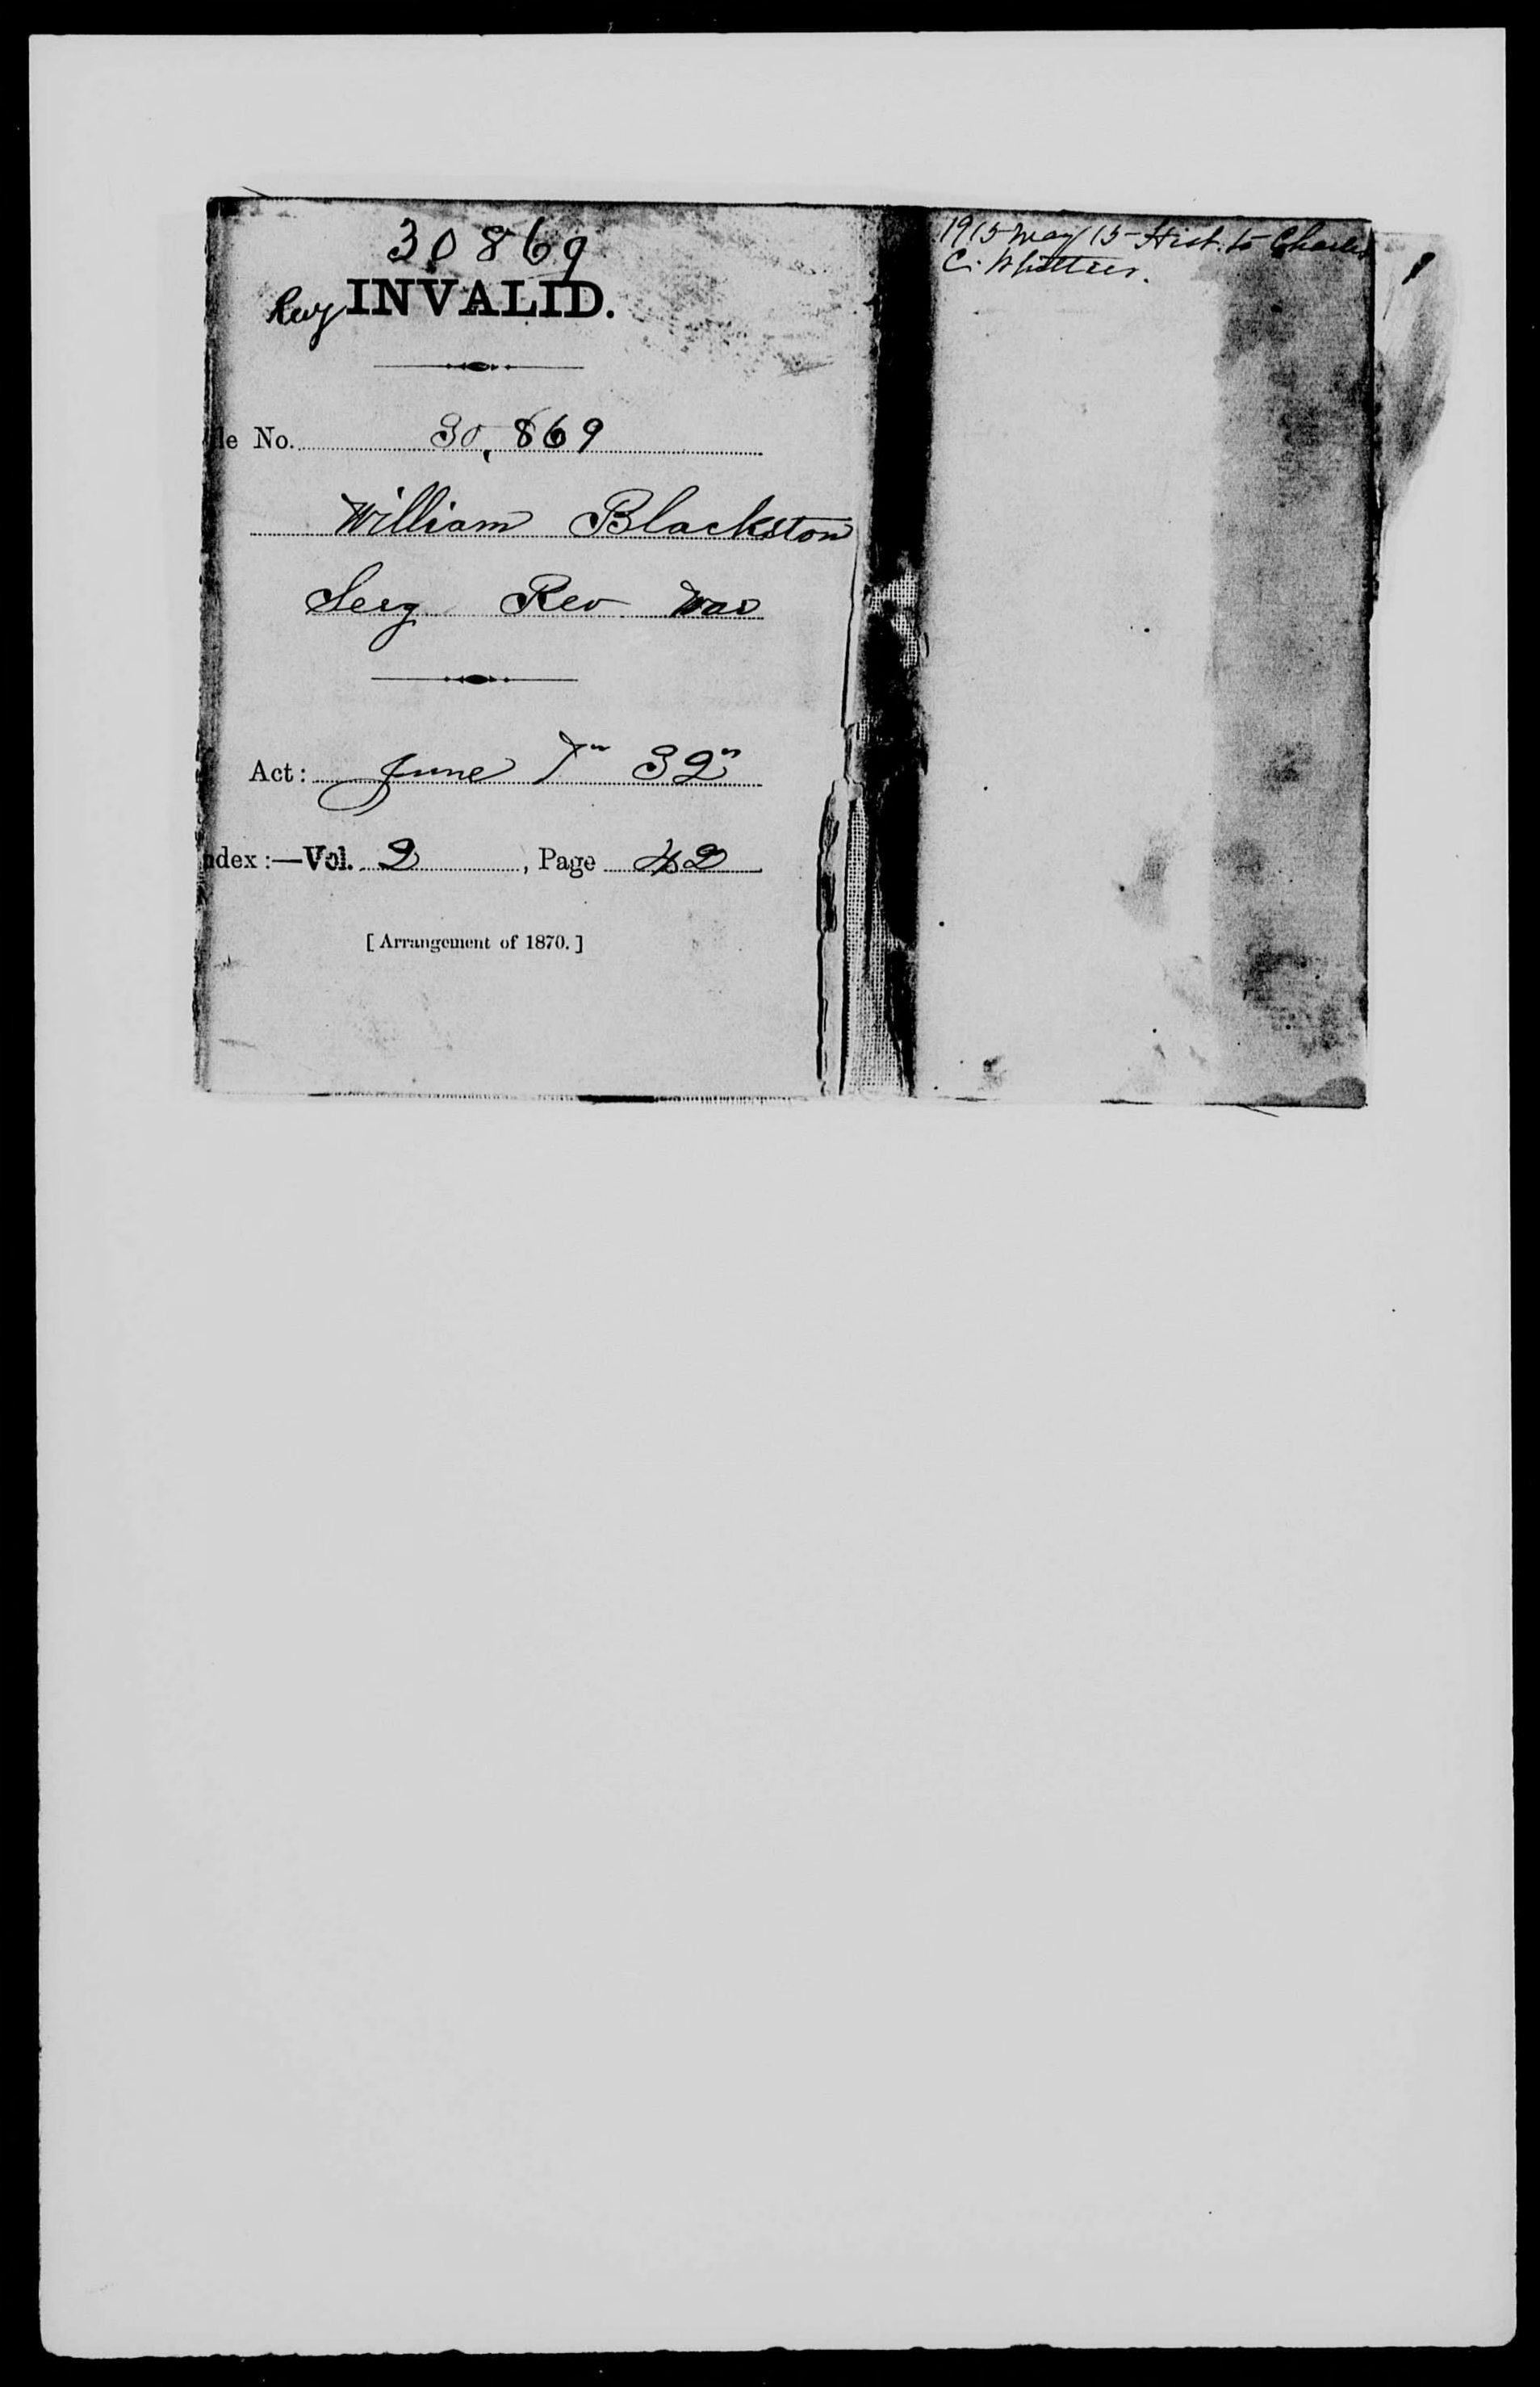[Left-hand side of page]
30869
Revy INVALID.

File No. 30.869
William Blackston
Serg Rev. War

Act: June 7 32

Index:--Vol. 2, Page 42
{Arrangement of 1870}

[Right-hand side of page]
1915 May 15 Hist. to Charles
C. Whittier.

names: William Blackston, Charles C Whittier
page: 8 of 14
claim: survivor's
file: S. 30,869, William Blackston, Mass.